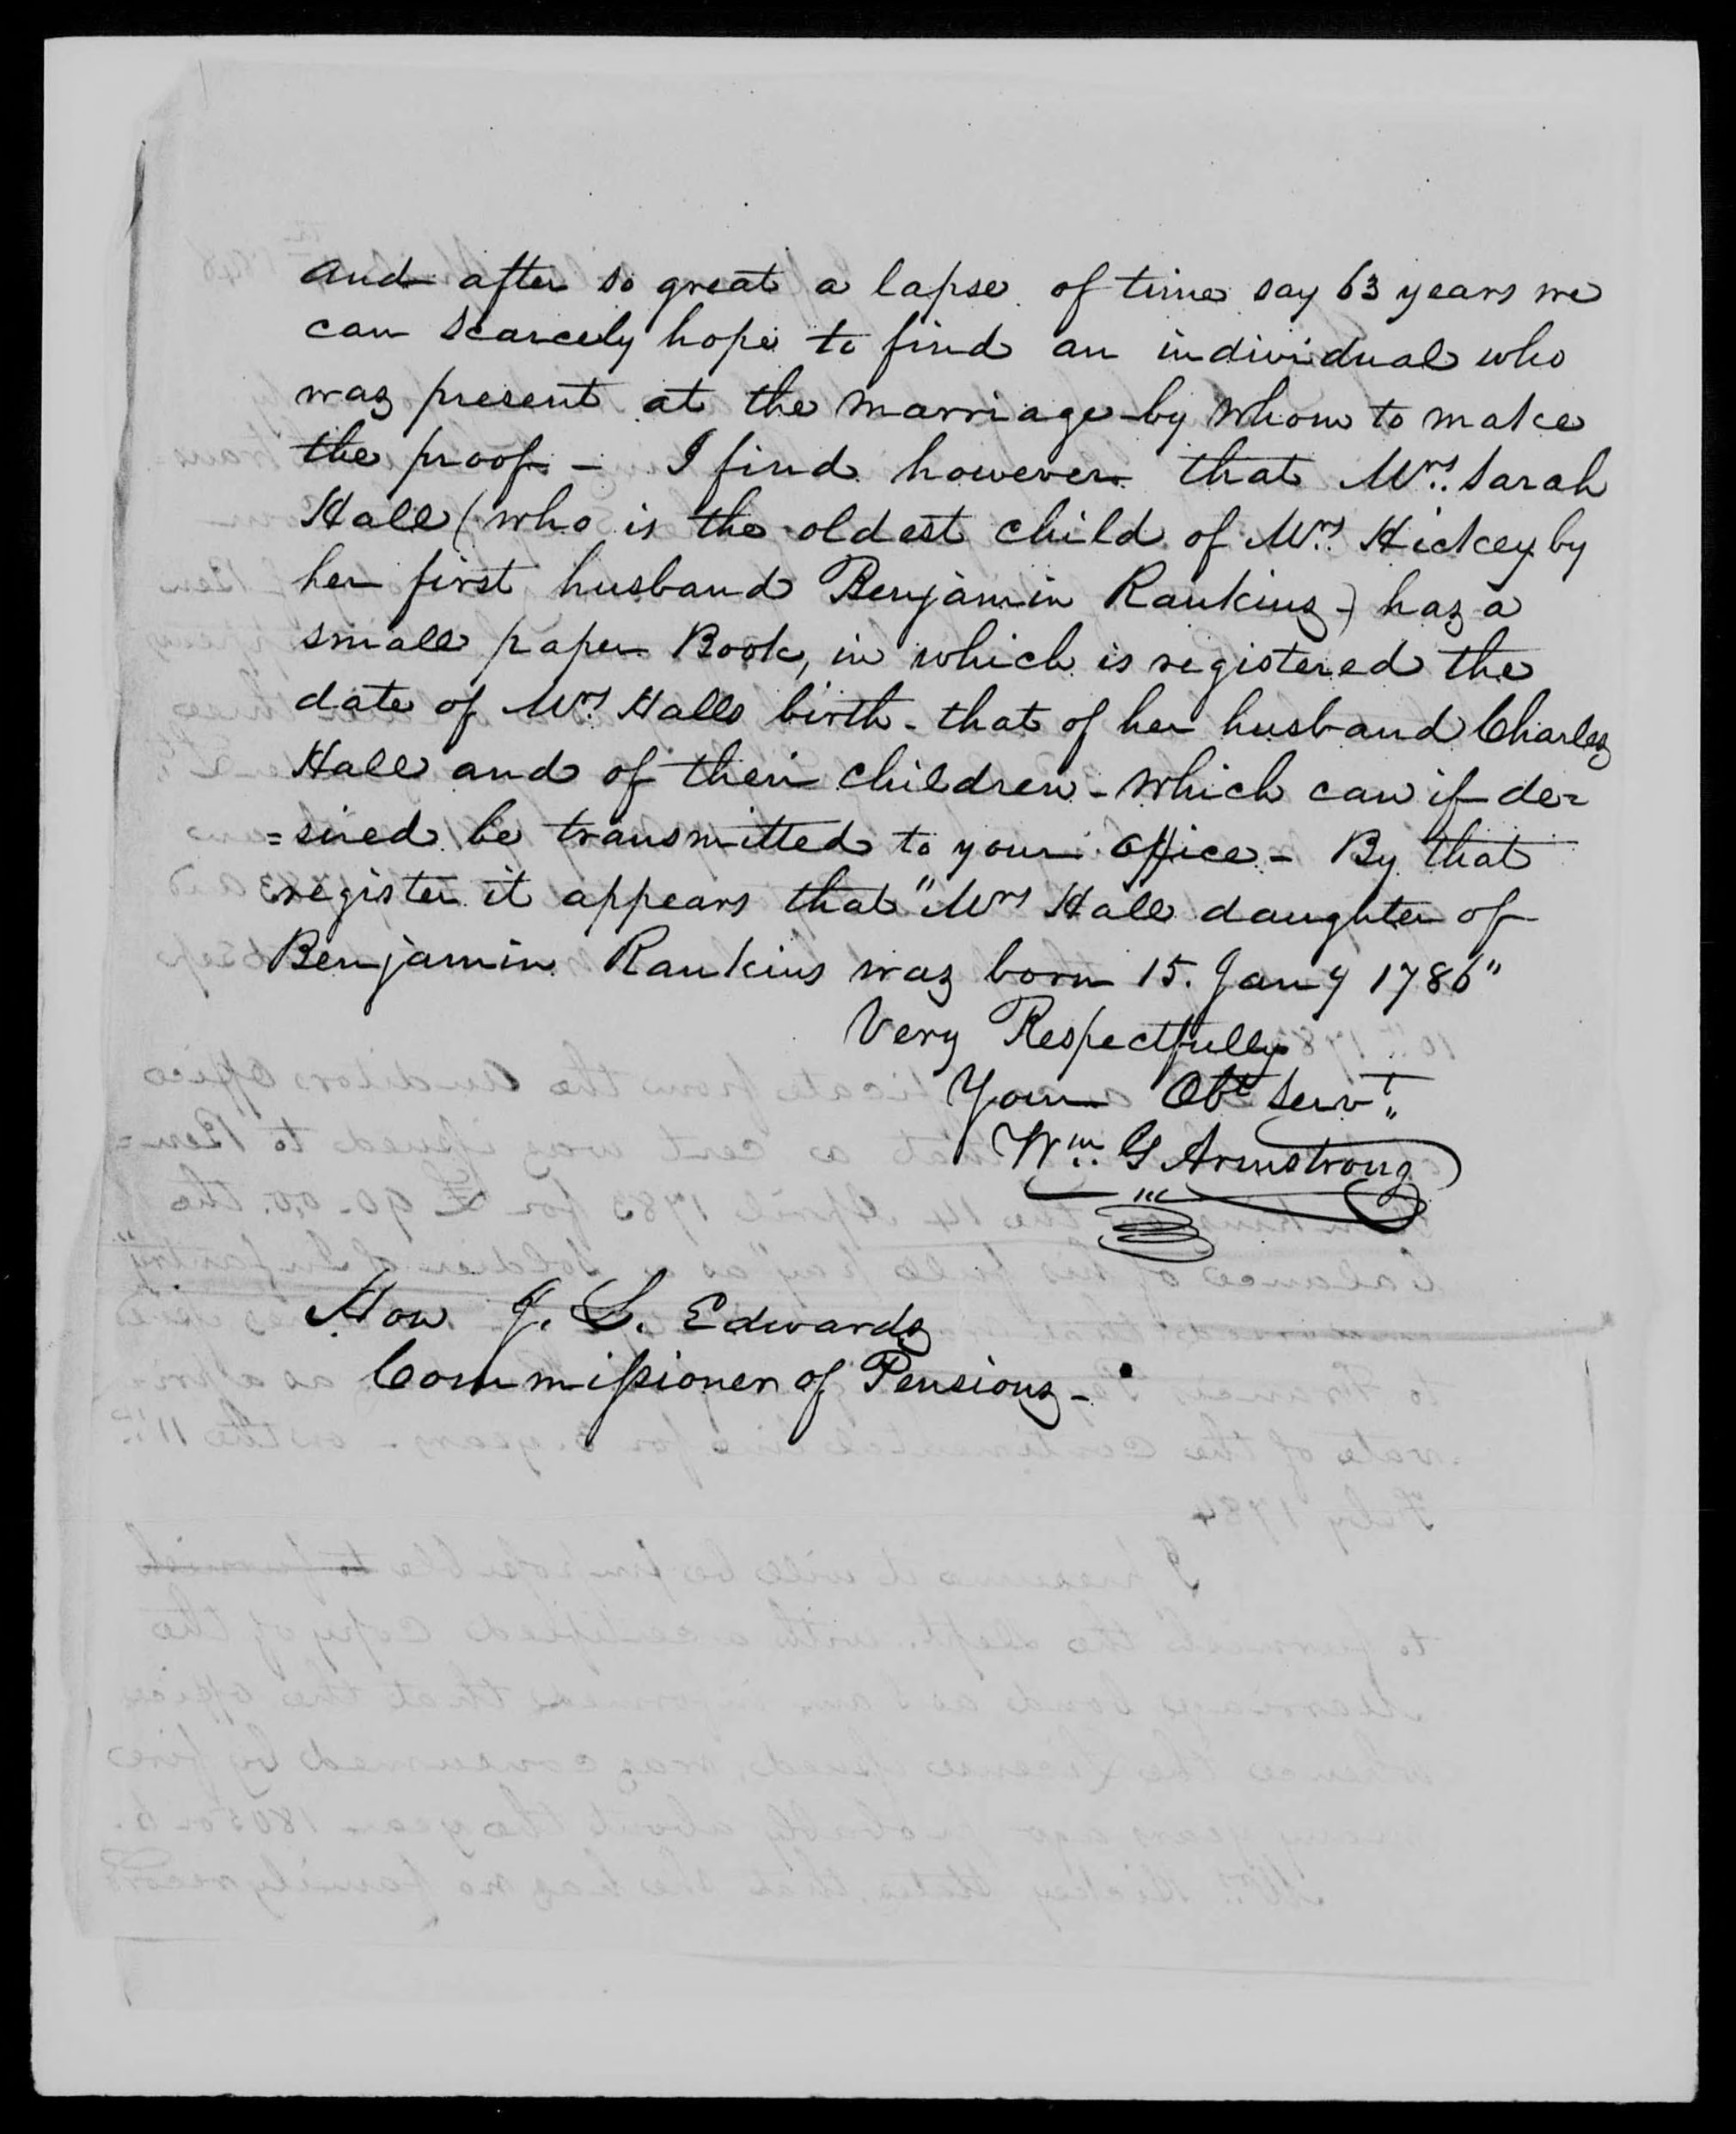and after so great a lapse of time say 63 years we can scarcely hope to find an individual who
was present at the marriage by whom to make
the proof-- I find however that Mrs Sarah
Hall who is the oldest child of Mrs Hickey by
her first husband Benjamin Rankins has a
small paper Book, in which is registered the
date of Mrs Halls birth that of her husband Charles Hall and of the children which can if desired be transmitted to your office. By that
register it appears that "Mrs Hall daughter of
Benjamin Rankins was born 15. Jany 1780"
Very Respectfully
Your Obt Serv
Wm G. Armstrong
Hon. J. L. Edwards
Commissioner of Pensions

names: J L Edwards, Benjamin Rankins, Wm G Armstrong, Charles Hall, Hickey, Halls, Hall, Sarah Hall, Benjamin Rankins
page: 63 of 84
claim: widow's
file: W. 7744, Daniel Hickey, Penn.